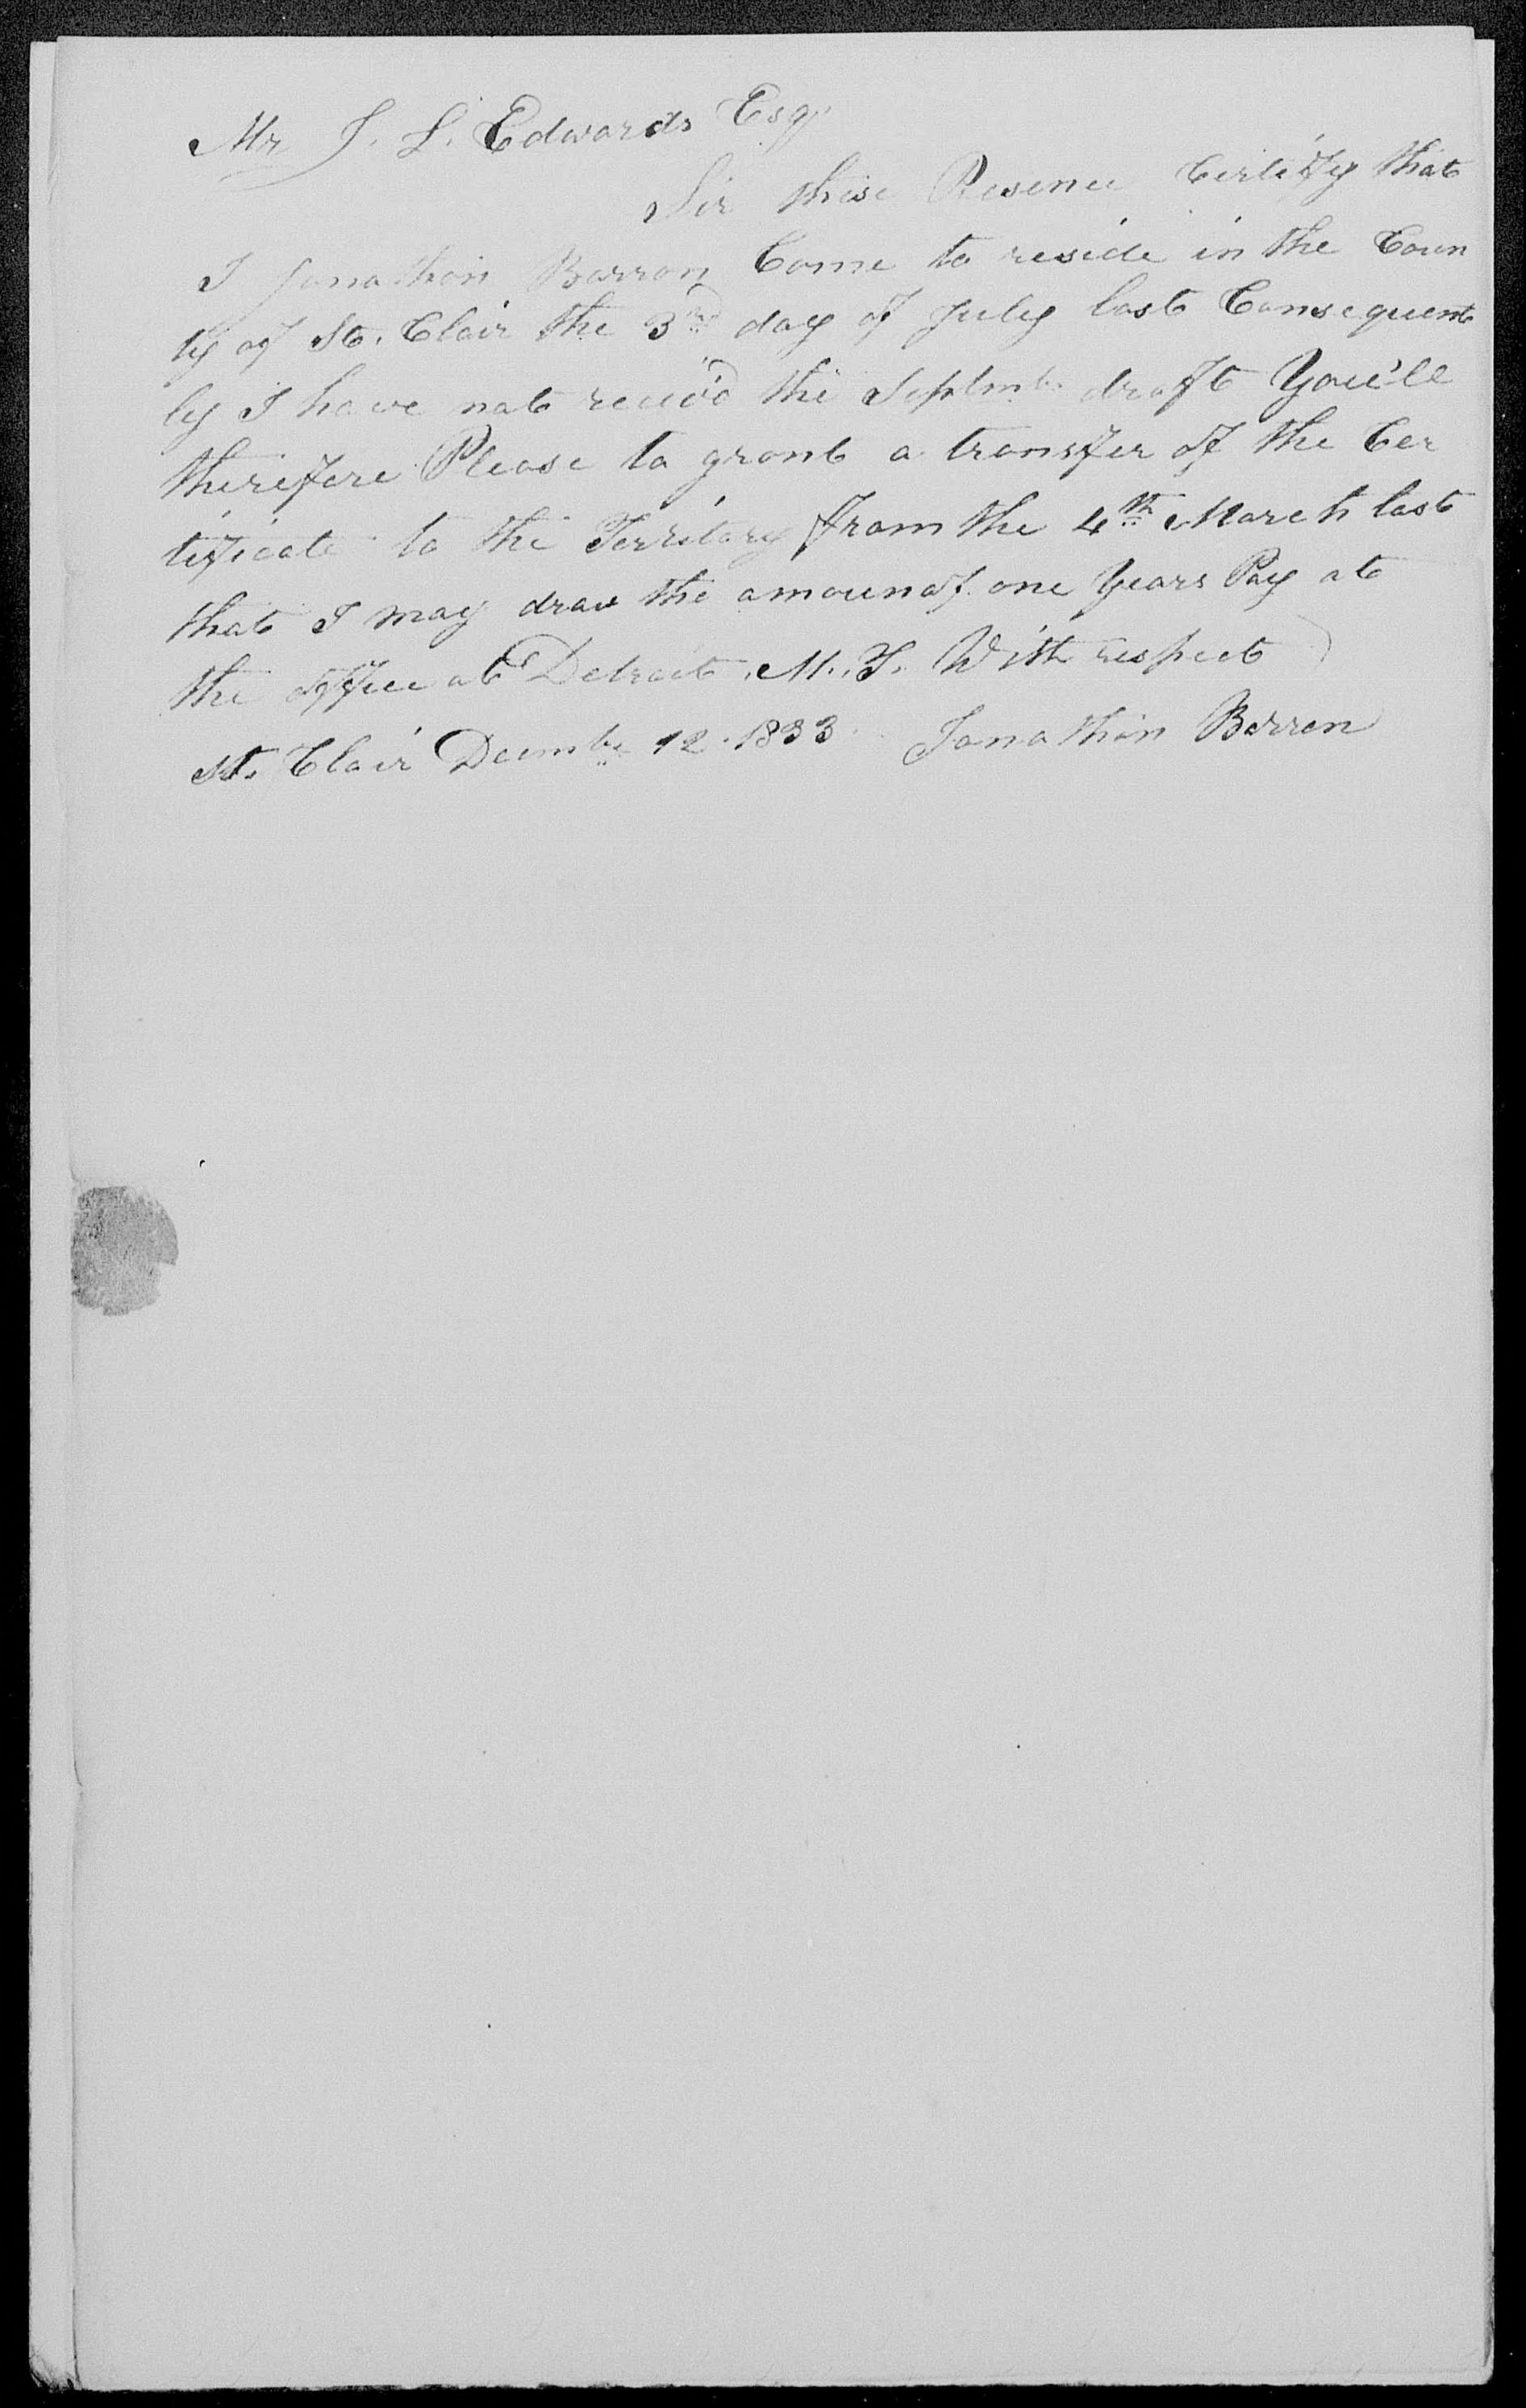[handwritten letter]
Mr J. L. Edwards Esq.
Sir this Person Certify that I Jonathan Barron Come to reside in the County of St. Clair the 3rd day of July last Consequently I have not rec'd the September draft You'll therefore Please to grant a transfer of the Certificate to the Territory from the 4th March last that I may draw the amount of one years Pay at the office at Detroit M.T. with respect
/s/Jonathan Barron
St. Clair Decemb'r 12. 1833.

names: Jonathan Barron, Jonathan Barron, J L Edwards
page: 21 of 25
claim: survivor's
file: S. 28986, Jonathan Barron, N.H.